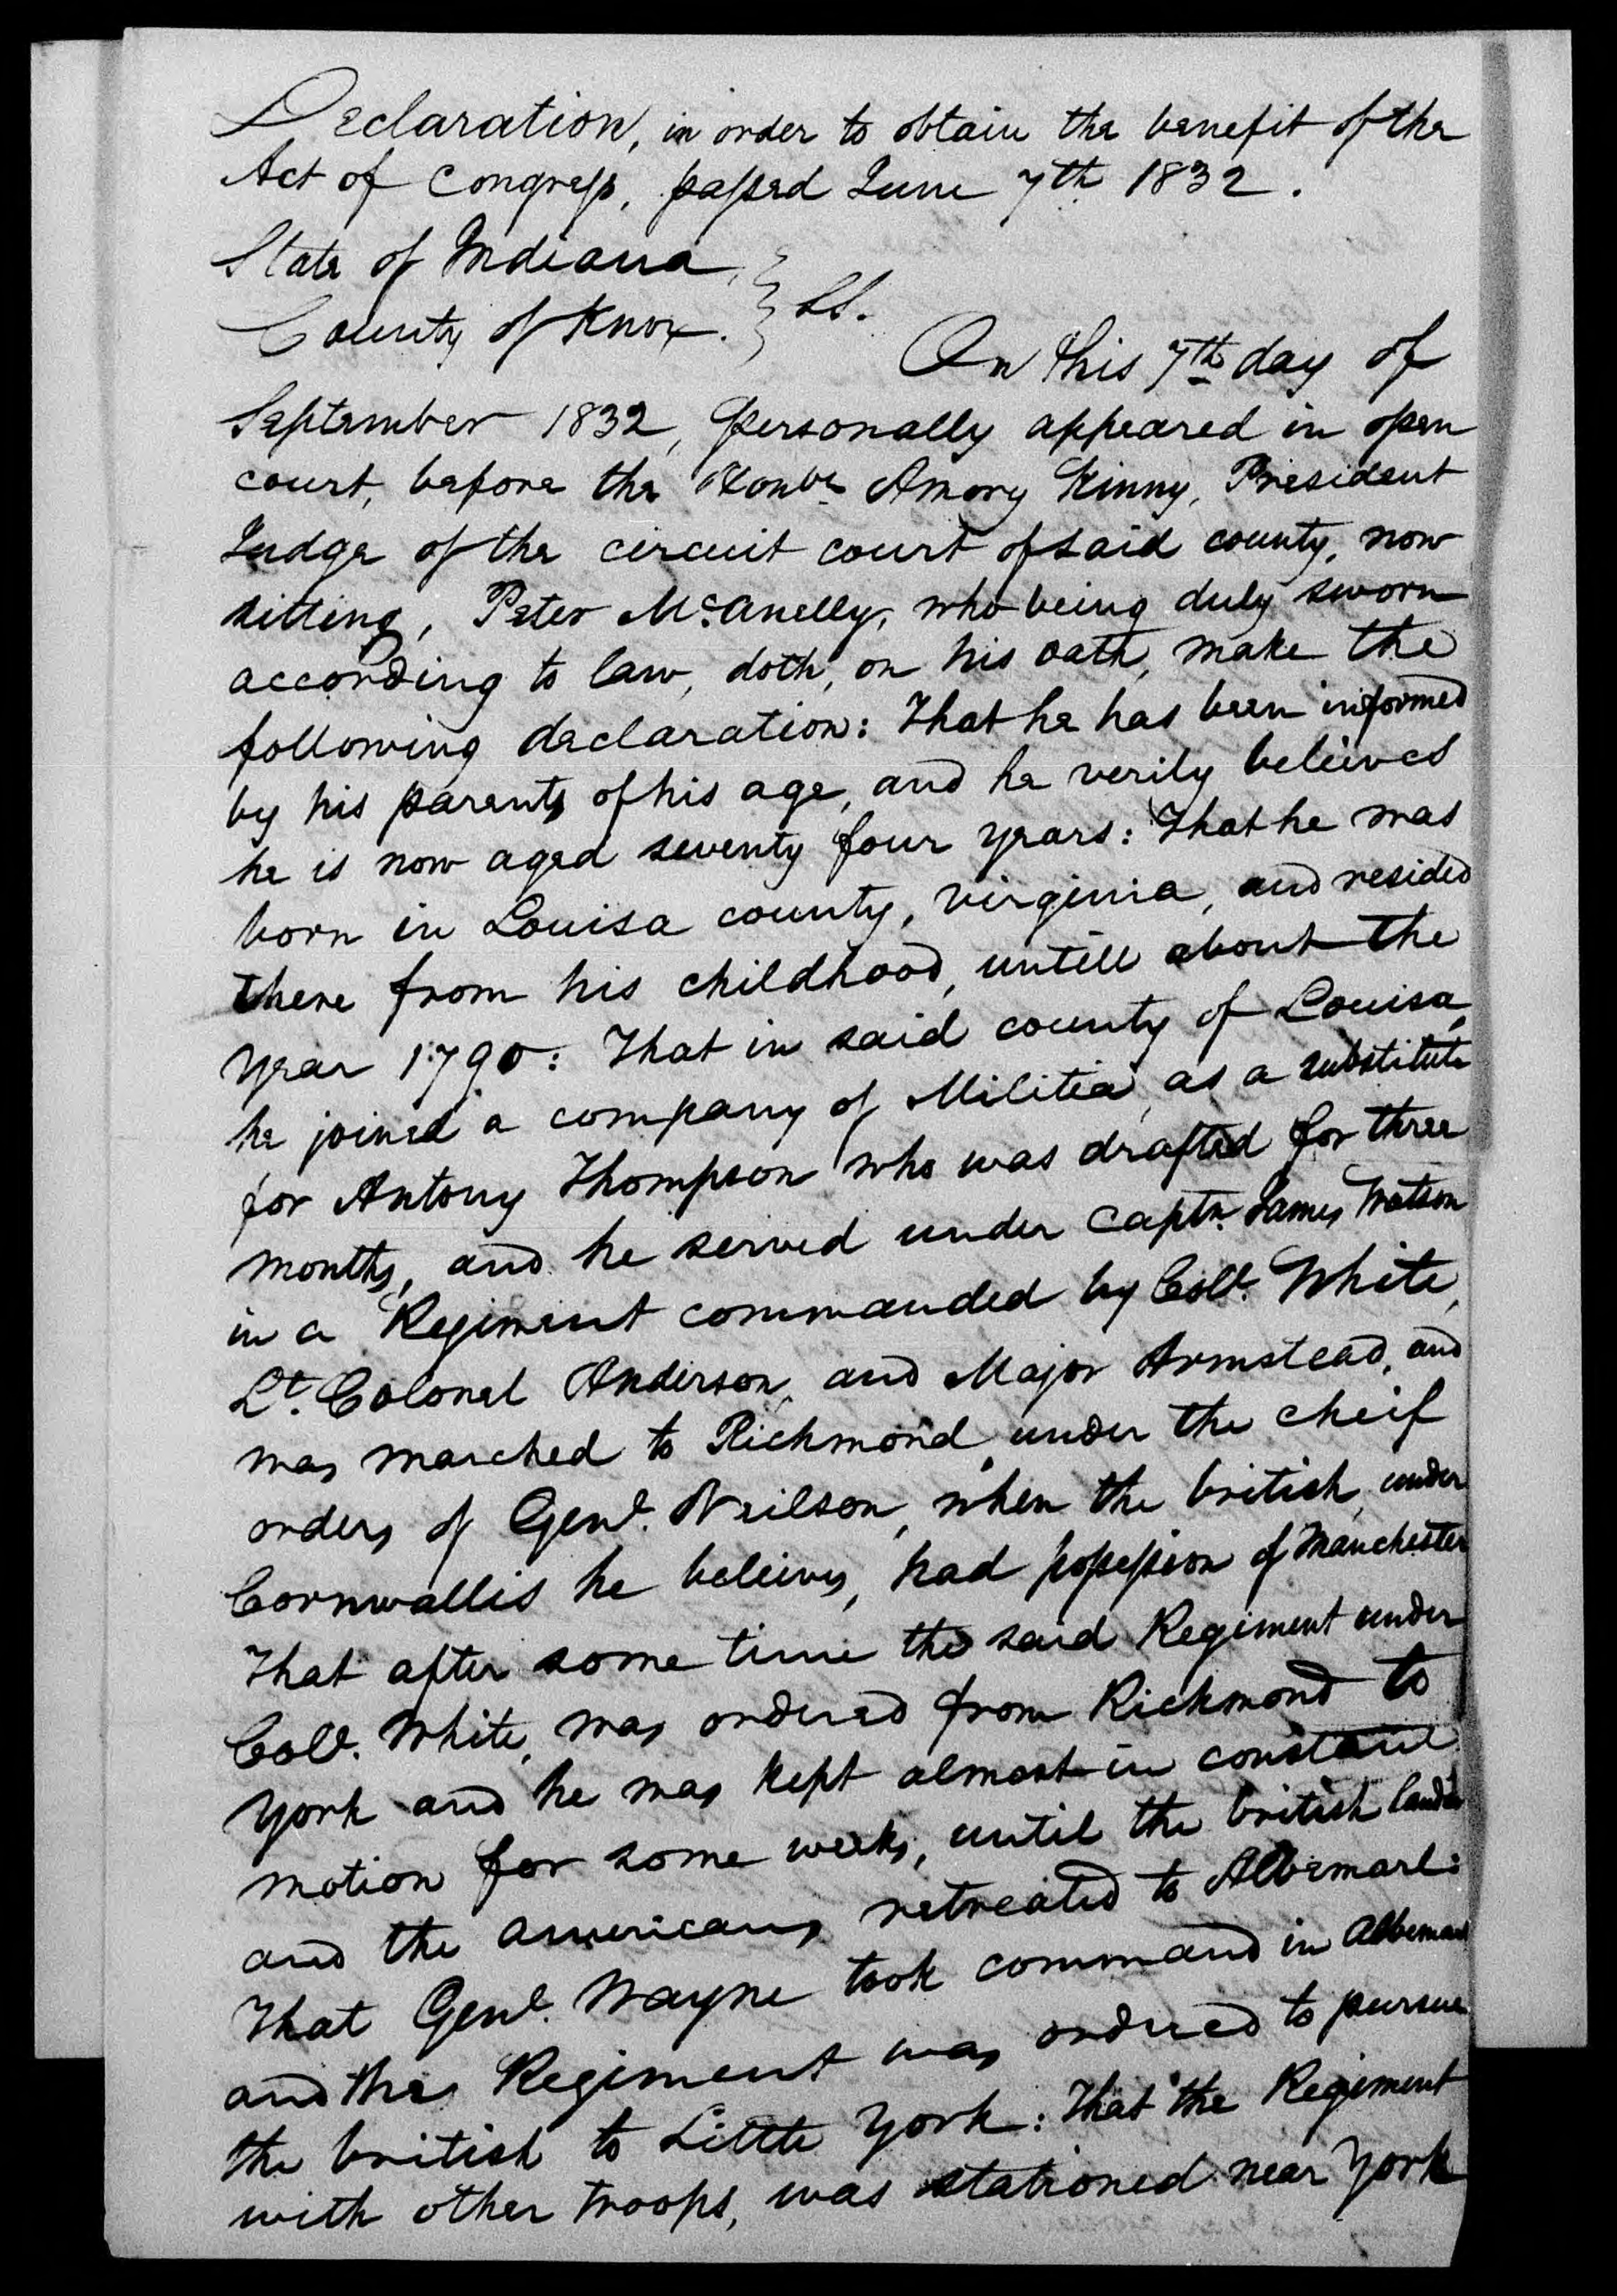Declaration, in order to obtain the benefit of the Act of Congress, passed June 7th 1832.

State of Indiana County of Knox SS
On this 7th day of September 1832, personally appeared in open court, before the Honbl Amory Kinny President Judge of the circuit court of said county, now sitting, Peter McAnelly, who being duly sworn according to law, doth on his oath, make the following declaration That he has been informed by his parents of his age, and he verily believed he is now aged seventy four years: That he was born in Louisa county, Virginia, and resides there from his childhood, untill about the year 1790: That in said county of Louisa he joined a company of Militia as a substitute for Antony Thompson who was drafted for three months, and he served under Captain James Watson in a Regiment commanded by Coll White, Lt Colonel Anderson, and Major Armstead, and was marched to Richmond under the chief orders of Genl Neilson, when the british, under Cornwallis he believes, had possession of Manchester. That after some time the said Regiment under Coll. White, was ordered from Richmond to York and he was kept almost in constant motion for some weeks, until the british landed and the americans retreated to Albemarle. That Genl Wayne took command in Albemarle and the Regiment was ordered to pursue the british to Little York: That the Regiment with other troops, was stationed near York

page: 5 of 19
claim: survivor's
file: S. 16467, for Peter Mc Anelly, Virginia